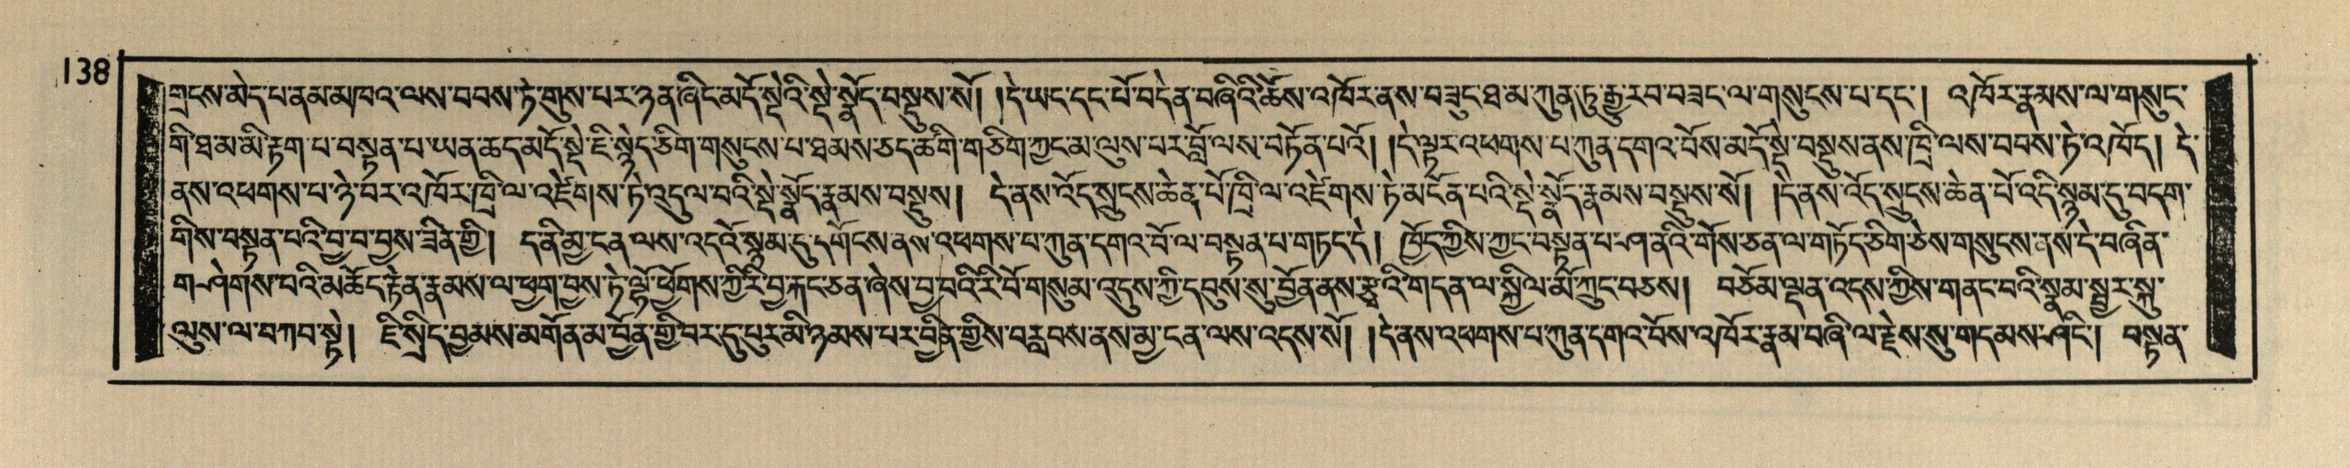གྲངས་མེད་པ་ནམ་མཁའ་ལས་བབས་ཏེ་གུས་པར་ཉན་ཞིང་མདོ་སྡེའི་སྡེ་སྣོད་བསྡུས་སོ། །དེ་ཡང་དང་པོ་བདེན་བཞིའི་ཆོས་འཁོར་ནས་བཟུང་ཐ་མ་ཀུན་ཏུ་རྒྱུ་རབ་བཟང་ལ་གསུངས་པ་དང་། འཁོར་རྣམས་ལ་གསུང་
གི་ཐ་མ་མི་རྟག་པ་བསྟན་པ་ཡན་ཆད་མདོ་སྡེ་ཇི་སྙེད་ཅིག་གསུངས་པ་ཐམས་ཅད་ཚིག་གཅིག་ཀྱང་མ་ལུས་པར་བློ་ལས་བཏོན་པའོ། །དེ་ལྟར་འཕགས་པ་ཀུན་དགའ་བོས་མདོ་སྡེ་བསྡུས་ནས་ཁྲི་ལས་བབས་ཏེ་འཁོད། དེ་
ནས་འཕགས་པ་ཉེ་བར་འཁོར་ཁྲི་ལ་འཛེགས་ཏེ་འདུལ་བའི་སྡེ་སྣོད་རྣམས་བསྡུས། དེ་ནས་འོད་སྲུངས་ཆེན་པོ་ཁྲི་ལ་འཛེགས་ཏེ་མངོན་པའི་སྡེ་སྣོད་རྣམས་བསྡུས་སོ། །དེ་ནས་འོད་སྲུངས་ཆེན་པོ་འདི་སྙམ་དུ་བདག་
གིས་བསྟན་པའི་བྱ་བ་བྱས་ཟིན་གྱི། ད་ནི་མྱ་ངན་ལས་འདའོ་སྙམ་དུ་དགོངས་ནས་འཕགས་པ་ཀུན་དགའ་བོ་ལ་བསྟན་པ་གཏད་དེ། ཁྱོད་ཀྱིས་ཀྱང་བསྟན་པ་ཤ་ནའི་གོས་ཅན་ལ་གཏོད་ཅིག་ཅེས་གསུངས་ནས་དེ་བཞིན་
གཤེགས་པའི་མཆོད་རྟེན་རྣམས་ལ་ཕྱག་བྱས་ཏེ་ལྷོ་ཕྱོགས་ཀྱི་རི་བྱ་རྐང་ཅན་ཞེས་བྱ་བའི་རི་བོ་གསུམ་འདུས་ཀྱི་དབུས་སུ་བྱོན་ནས་རྩྭའི་གདན་ལ་སྐྱིལ་མོ་ཀྲུང་བཅས། བཅོམ་ལྡན་འདས་ཀྱིས་གནང་བའི་སྣམ་སྦྱར་སྐུ་
ལུས་ལ་བཀབ་སྟེ། ཇི་སྲིད་བྱམས་མགོན་མ་བྱོན་གྱི་བར་དུ་པུར་མི་ཉམས་པར་བྱིན་གྱིས་བརླབས་ནས་མྱ་ངན་ལས་འདས་སོ། །དེ་ནས་འཕགས་པ་ཀུན་དགའ་བོས་འཁོར་རྣམ་བཞི་ལ་རྗེས་སུ་གདམས་ཤིང་། བསྟན་